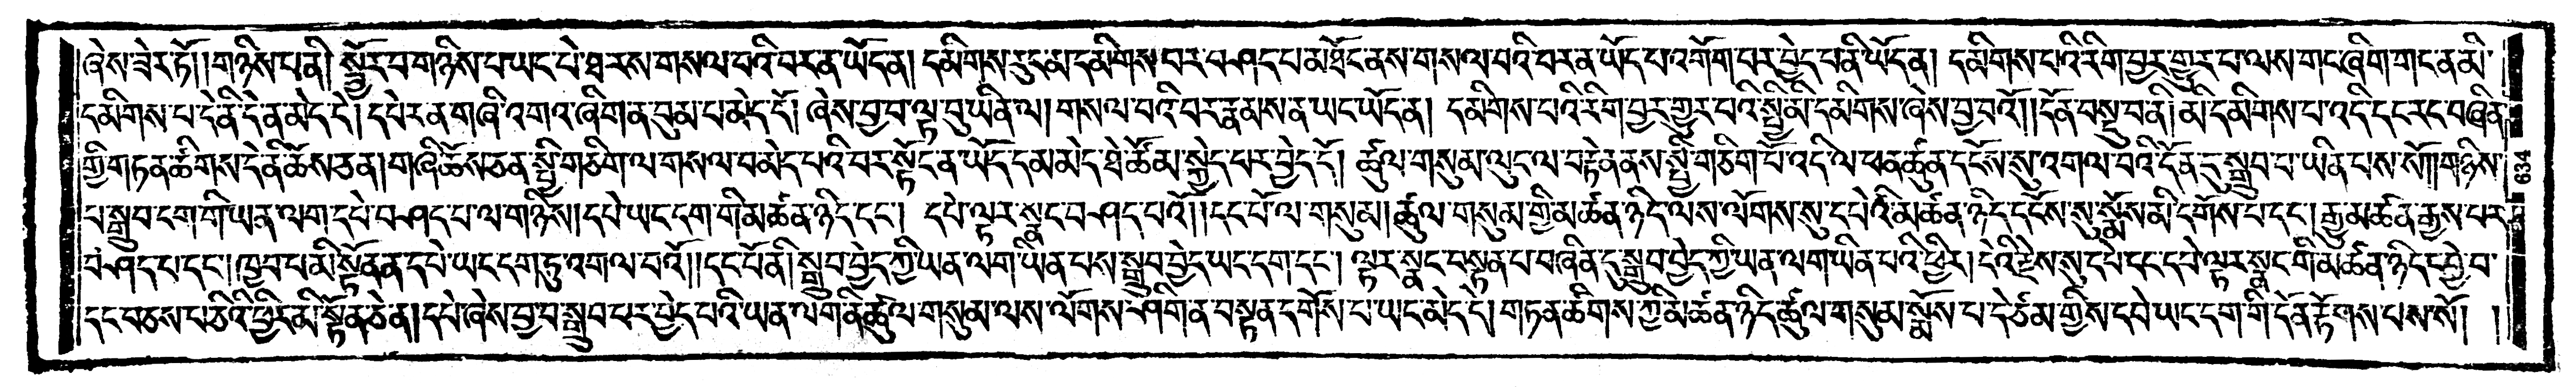ཞེས་ཟེར་ཏོ། །གཉིས་པ་ནི། སྦྱོར་བ་གཉིས་པ་ཡང་པེ་ཐ་རས་གསལ་བའི་བར་ན་ཡོད་ན། དམིགས་རུང་མ་དམིགས་བར་བཤད་པ་མཐོང་ནས་གསལ་བའི་བར་ན་ཡོད་པ་འགོག་བར་བྱེད་པ་ནི་ཡོད་ན། དམིགས་པའི་རིག་བྱར་གྱུར་པ་ལས་གང་ཞིག་གང་ན་མི་
དམིགས་པ་དེ་ནི་དེ་ན་མེད་དེ། དཔེར་ན་གཞི་འགའ་ཞིག་ན་བུམ་པ་མེད་དོ། ཞེས་བྱ་བ་ལྟ་བུ་ཡིན་ལ། གསལ་བའི་བར་རྣམས་ན་ཡང་ཡོད་ན། དམིགས་བའི་རིག་བྱར་གྱུར་བའི་སྤྱི་མི་དམིགས་ཞེས་བྱ་བའོ། །དོན་བསྡུ་བ་ནི། མི་དམིགས་པ་འདི་དང་རང་བཞིན་
གྱི་གཏན་ཚིགས་དེ་ནི་ཆོས་ཅན། གཞི་ཆོས་ཅན་སྤྱི་གཅིག་ལ་གསལ་བ་མེད་པའི་བར་སྟོང་ན་ཡོད་དམ་མེད་ཐེ་ཚོམ་སྐྱེད་པར་བྱེད་དོ། ཚུལ་གསུམ་ལུང་ལ་བརྟེན་ནས་སྤྱི་གཅིག་པོ་འདི་ལ་ཕན་ཚུན་དངོས་སུ་འགལ་བའི་དོན་དུ་སྒྲུབ་པ་ཡིན་པས་སོ། །གཉིས་
པ་སྒྲུབ་ངག་གི་ཡན་ལག་དཔེ་བཤད་པ་ལ་གཉིས། དཔེ་ཡང་དག་གི་མཚན་ཉིད་དང་། དཔེ་ལྟར་སྣང་བཤད་པའོ། །དང་པོ་ལ་གསུམ། ཚུལ་གསུམ་གྱི་མཚན་ཉིད་ལས་ལོགས་སུ་དཔེའི་མཚན་ཉིད་དངོས་སུ་སྨོས་མི་དགོས་པ་དང་། རྒྱུ་མཚན་རྒྱས་པར་
བཤད་པ་དང་། ཁྱབ་པ་མི་སྟོན་ན་དཔེ་ཡང་དག་ཏུ་འགལ་བའོ། །དང་པོ་ནི། སྒྲུབ་བྱེད་ཀྱི་ཡན་ལག་ཡིན་པས་སྒྲུབ་བྱེད་ཡང་དག་དང་། ལྟར་སྣང་བསྟན་པ་བཞིན་དུ་སྒྲུབ་བ་བྱེད་ཀྱི་ཡན་ལག་ཡིན་པའི་ཕྱིར། དེའི་རྗེས་སུ་དཔེ་དང་དཔེ་ལྟར་སྣང་གི་མཚན་ཉིད་དབྱེ་བ་
དང་བཅས་པ་ཅིའི་ཕྱིར་མི་སྟོན་ཅེ་ན། དཔེ་ཞེས་བྱ་བ་སྒྲུབ་པར་བྱེད་པའི་ཡན་ལག་ནི་ཚུལ་གསུམ་ལས་ལོགས་ཤིག་ན་བསྟན་དགོས་པ་ཡང་མེད་དེ། གཏན་ཚིགས་ཀྱི་མཚན་ཉིད་ཚུལ་གསུམ་སྨོས་པ་དེ་ཙམ་གྱིས་དབེ་ཡང་དག་གི་དོན་རྟོགས་པས་སོ། །